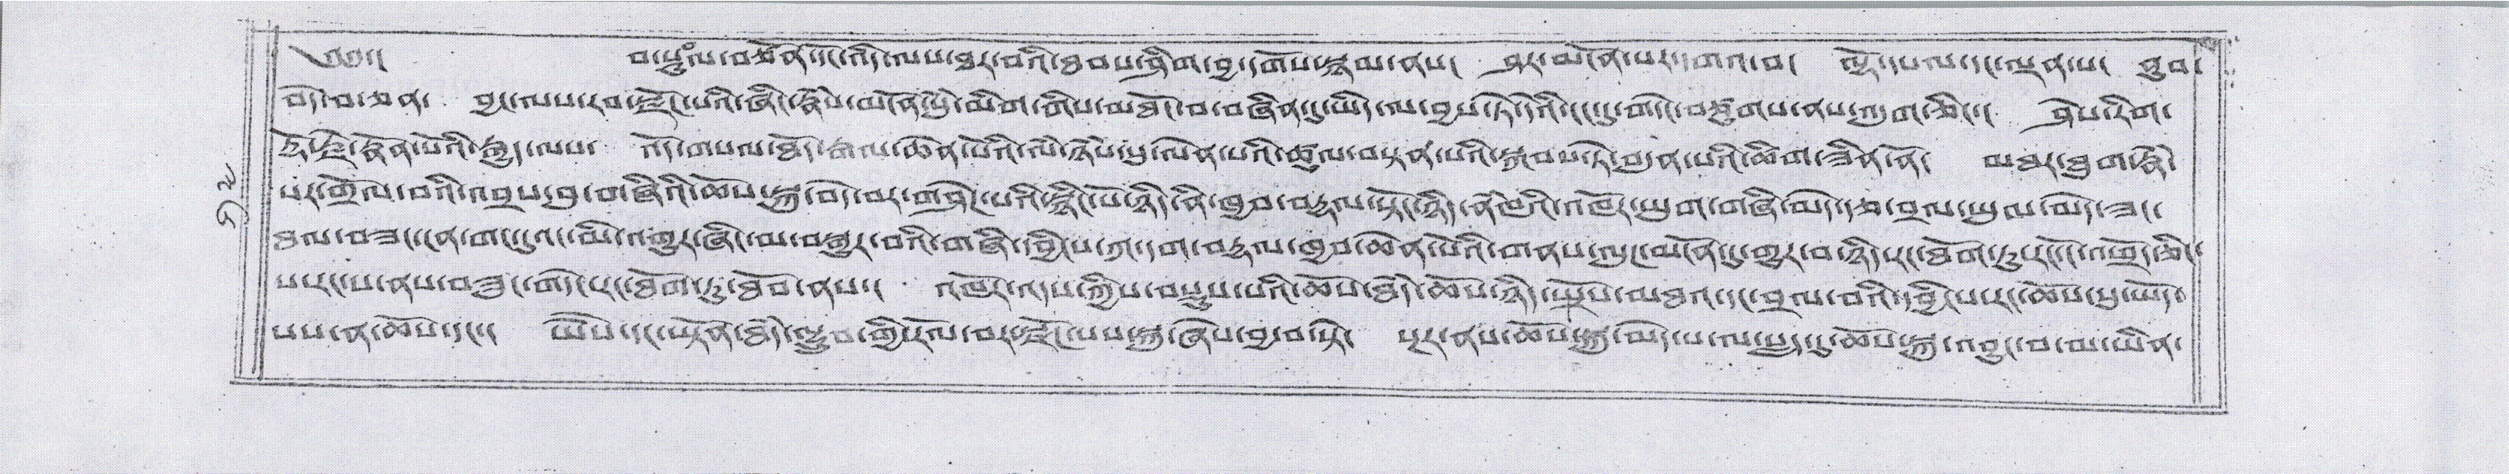བ་སྡུག་བསྔལ་བཙོན་དོང་འདི་ལས་ཐར་བའི་ཐབས་ཤིག་བྱ་དགོས་སྙམ་ནས། ཤར་མངོན་པར་དགའ་བ། ལྷོ་དཔལ་དང་ལྡན་པ། ནུབ་
བདེ་བ་ཅན། བྱང་ལས་རབ་རྫོགས་པའི་ཞིང་རྣམས་མངོན་སུམ་མིག་གིས་མཐོང་བ་བཞིན་དུ་ཡིད་ལ་བྱས་ཏེ་དེའི་ངང་དུ་གདེངས་བཙུགས་ནས་འདུག་ཅིང་། ཤེས་རིག་
རྡོ་རྗེ་རྣོན་པོའི་རྒྱུད་ལས། འོད་གསལ་ཐོད་རྒལ་ཆེན་པོའི་ལམ་ཉམས་སུ་ལེན་པའི་ཚུལ་བསྟན་པའི་སྐབས་ཏེ་བདུན་པའི་ཚིག་ཟིན་ནོ། །མཐར་ཐུག་རྣམ་
པར་གྲོལ་བའི་འབྲས་བུ་གཞིའི་ཆོས་སྐུ་བདེ་བར་གཤེགས་པའི་སྙིང་པོ་ཉིད་ནི་ཁྱབ་བརྡལ་སྟོང་ཉིད་ནམ་མཁའི་ཁོར་ཡུག་གཞི་མེད་རྩ་བྲལ་ཡུལ་མེད་ཟང་
ཐལ་བཟང་ངན་གང་དུའང་མི་འགྱུར་ཞིང་མ་བསྒྱུར་བའི་གཞི་དབྱིངས་ཀ་དག་བརྡལ་ཁྱབ་ཆེན་པོའི་གནས་ལུགས་མངོན་དུ་གྱུར་པ་ཉིད་རང་ཐོག་ཏུ་རང་ངོ་འཕྲོད་ཅིང་
ས་རང་ས་ནས་བཟུང་གདེང་རང་ཐོག་ནས་ཐོབ་ནས། འཁོར་འདས་ཀྱིས་བསྡུས་པའི་ཆོས་ཐམས་ཅད་ཆོས་ཉིད་སྤྲོས་མཐའ་དང་བྲལ་བའི་དབྱིངས་རང་ཆས་སུ་ཡོད་
པས་ན་ཆོས་དང་། ཡེ་ཤེས་དང་ཡོན་ཏན་ཐམས་ཅད་ལྷུན་གྲུབ་ཀྱི་རོལ་པར་རྫོགས་པས་སྐུ་ཞེས་བྱ་བ་སྟེ། སྔར་ནས་ཆོས་སྐུ་མེད་པ་ལ་སླད་དུ་ཆོས་སྐུ་འབྱུང་བ་མ་ཡིན་